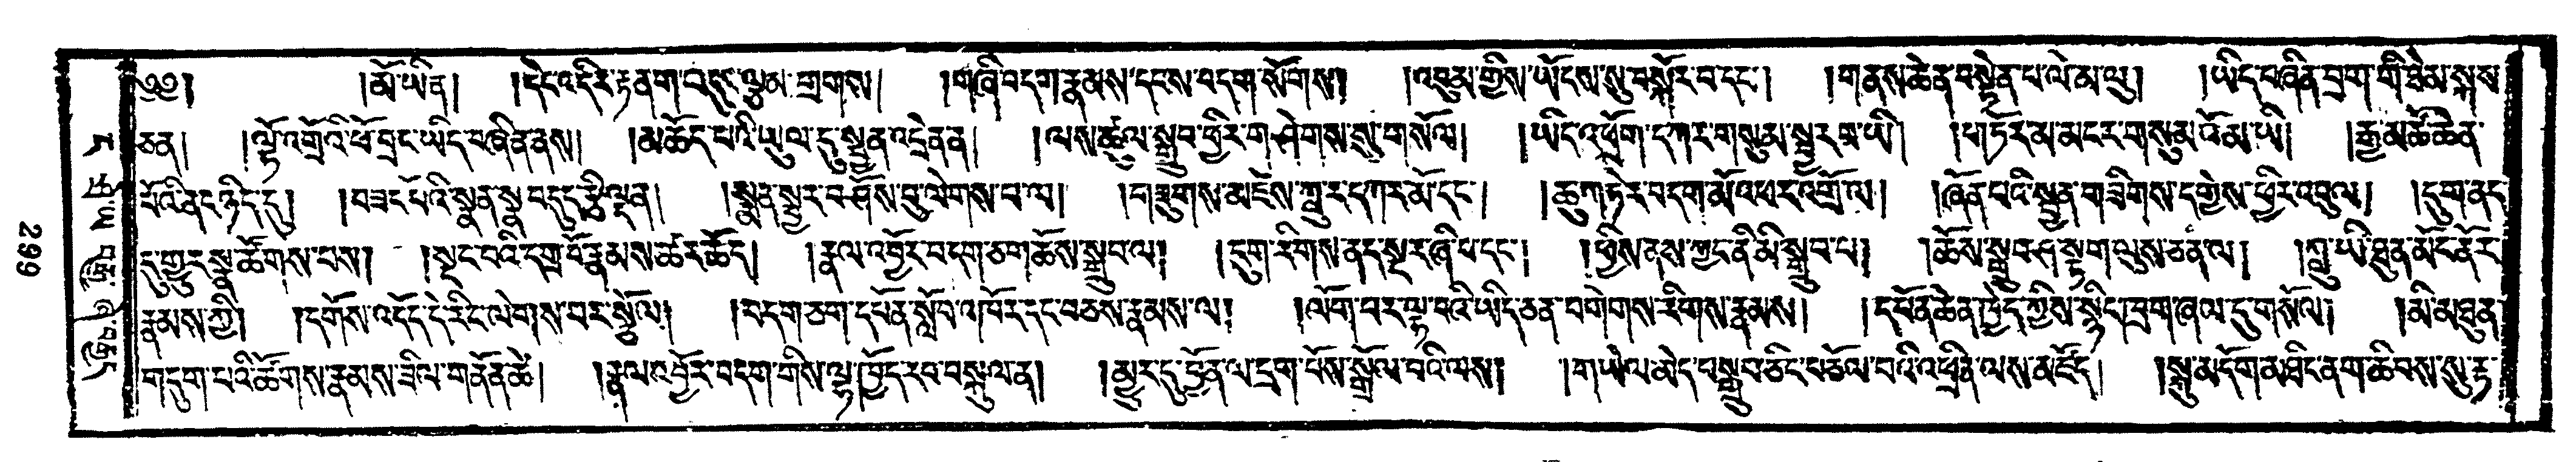༄༅། །མོ་ཡིན། །དེང་འདིར་རྟ་ནག་བདུད་ལྕམ་གྲགས། །གཞི་བདག་རྣམས་དང་ས་བདག་སོགས། །འབུམ་གྱིས་ཡོངས་སུ་བསྐོར་བ་དང་། །གནས་ཆེན་བསྟེན་པ་ལེ་མ་ལུ། །ཡིད་བཞིན་བྲག་གི་ཐེམ་སྐས་
ཅན། །ལྟོ་འགྲོའི་ཕོ་བྲང་ཡིད་བཞིན་ནས། །མཆོད་པའི་ཡུལ་དུ་སྤྱན་འདྲེན་ན། །ལས་ཚུལ་སྒྲུབ་ཕྱིར་གཤེགས་སུ་གསོལ། །ཡིད་འཕྲོག་དཀར་གསུམ་སྦྱར་བ་ཡི། །གཏོར་མ་མངར་གསུམ་འོ་མ་ཡི། །རྒྱ་མཚོ་ཆེན་
པོའི་ནང་ཉིད་དུ། །བཟང་པོའི་སྣན་སྣ་བདུད་རྩི་ལྡན། །སྨན་སྦྱར་བཤོས་བུ་ལེགས་པ་ལ། །གཟུགས་མཛེས་ཀླུ་ར་དཀར་མོ་དང་། །ཆུ་གཏེར་བདག་མོ་འཕར་འགྲོ་ལ། །ཞོན་པའི་སྤྱན་གཟིགས་དགྱེས་ཕྱིར་འབུལ། །དུག་ནད་
དུ་གྱུར་སྣ་ཚོགས་པས། །སྡང་བའི་དགྲ་བོ་རྣམས་ཚར་ཆོད། །རྣལ་འབྱོར་བདག་ཅག་ཆོས་སྒྲུབ་ལ། །དུག་རིགས་ནད་སྔར་ཞི་བ་དང་། །ཕྱིས་ནས་ཀྱང་ནི་མི་སྒྲུབ་པ། །ཆོས་སྒྲུབ་ཤ་སྟག་ལུས་ཅན་ལ། །ཀླུ་ཡི་ཐུན་མོང་ནོར་
རྣམས་ཀྱི། །དགོས་འདོད་དེ་རིང་ལེགས་པར་སྩོལ། །བདག་ཅག་དཔོན་སློབ་འཁོར་དང་བཅས་རྣམས་ལ། །ལོག་པར་ལྷ་བའི་ཡིད་ཅན་བགེགས་རིགས་རྣམས། །དཔོན་ཆེན་ཁྱེད་ཀྱིས་སྙིང་ཁྲག་ཞལ་དུ་གསོལ། །མི་མཐུན་
གདུག་པའི་ཚོགས་རྣམས་ཟིལ་གནོན་ཚེ། །རྣལ་འབྱོར་བདག་གིས་ལྷ་ཁྱོད་རབ་བསྐུལ་ན། །མྱུར་དུ་བྱོན་ལ་དྲག་པོས་སྒྲོལ་བའི་ལས། །གཡེལ་མེད་བསྒྲུབ་ཅིང་བཅོལ་བའི་འཕྲིན་ལས་མཛོད། །སྐུ་མདོག་མཐིང་ནག་ཆིབས་སུ་རྟ་